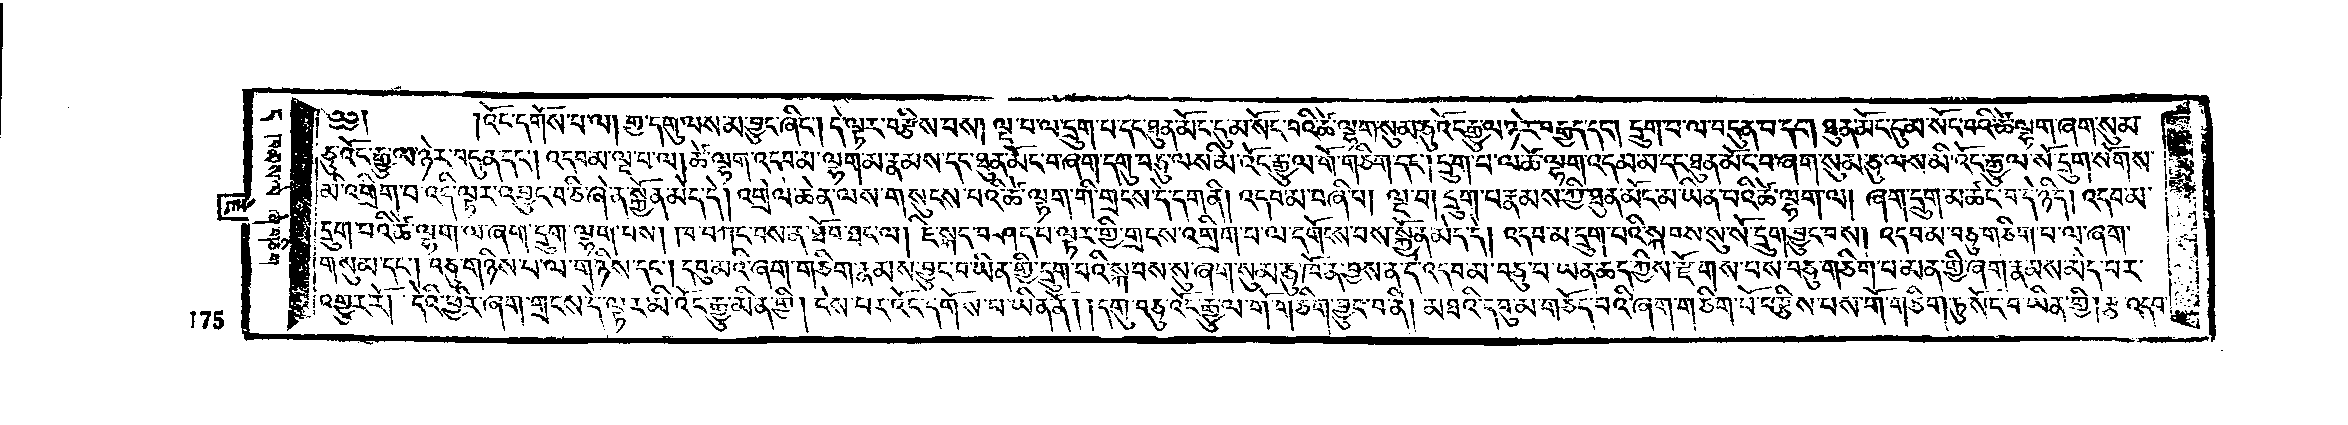༄༅། །འོང་དགོས་པ་ལ། གྱ་དགུ་ལས་མ་བྱུང་ཞིང་། དེ་ལྟར་བརྩིས་པས། ལྔ་པ་ལ་དྲུག་པ་དང་ཐུན་མོང་དུ་མ་སོང་བའི་ཚེ་ལྷག་སུམ་ཅུ་འོང་རྒྱུ་ལ་ཉེར་བརྒྱད་དང་། དྲུག་པ་ལ་བདུན་པ་དང་། ཐུན་མོང་དུ་མ་སོང་བའི་ཚེ་ལྷག་ཞག་སུམ་
ཅུ་འོང་རྒྱུ་ལ་ཉེར་བདུན་དང་། འདབ་མ་ལྔ་པ་ལ། ཚེ་ལྷག་འདབ་མ་ལྷག་མ་རྣམས་དང་ཐུན་མོང་བ་ཞག་དགུ་བཅུ་ལས་མི་འོང་རྒྱུ་ལ་གོ་གཅིག་དང་། དྲུག་པ་ལ་ཚེ་ལྷག་འདམ་མ་དང་ཐུན་མོང་བ་ཞག་སུམ་ཅུ་ལས་མི་འོང་རྒྱུ་ལ་སོ་དྲུག་སོགས་
མི་འགྲིག་པ་འདི་ལྟར་འབྱུང་བ་ཅི་ཞེ་ན་སྐྱོན་མེད་དེ། འགྲེལ་ཆེན་ལས་གསུངས་པའི་ཚེ་ལྷག་གི་གྲངས་དེ་དག་ནི། འདབ་མ་བཞི་པ། ལྔ་བ། དྲུག་པ་རྣམས་ཀྱི་ཐུན་མོང་མ་ཡིན་པའི་ཚེ་ལྷག་ལ། ཞག་དྲུག་མ་ཚང་བ་དེ་ཉིད། འདབ་མ་
དྲུག་པའི་ཚེ་ལྷག་ལ་ཞག་དྲུག་ལྷག་པས། ཁ་བཀང་བས་ན་ཐོབ་ཐང་ལ། ཇི་སྐད་བཤད་པ་ལྟར་གྱི་གྲངས་འགྲིག་པ་ལ་དགོས་པས་སྐྱོན་མེད་དེ། འདབ་མ་དྲུག་པའི་སྐབས་སུ་སོ་དྲུག་བྱུང་བས། འདབ་མ་བཅུ་གཅིག་པ་ལ་ཞག་
གསུམ་དང་། བཅུ་གཉིས་པ་ལ་གཉིས་དང་། དབུ་མའི་ཞག་གཅིག་རྣམས་བྱུང་བ་ཡིན་གྱི་དྲུག་པའི་སྐབས་སུ་ཞག་སུམ་ཅུ་ཁོ་ན་བྱས་ན་དེ་འདབ་མ་བཅུ་པ་ཡན་ཆད་ཀྱིས་རྫོགས་པས་བཅུ་གཅིག་པ་མན་གྱི་ཞག་རྣམས་མེད་པར་
འགྱུར་རོ། དེའི་ཕྱིར་ཞག་གྲངས་དེ་ལྟར་མི་འོང་རྒྱུ་མིན་གྱི། ངེས་པར་འོང་དགོས་པ་ཡིན་ནོ། །དགུ་བཅུ་འོང་རྒྱུ་ལ་གོ་གཅིག་བྱུང་བ་ནི། མཐའི་དབུ་མ་གཅོད་པའི་ཞག་གཅིག་པོ་བརྩིས་པས་གོ་གཅིག་ཏུ་སོང་བ་ཡིན་གྱི། རྩ་འདབ་